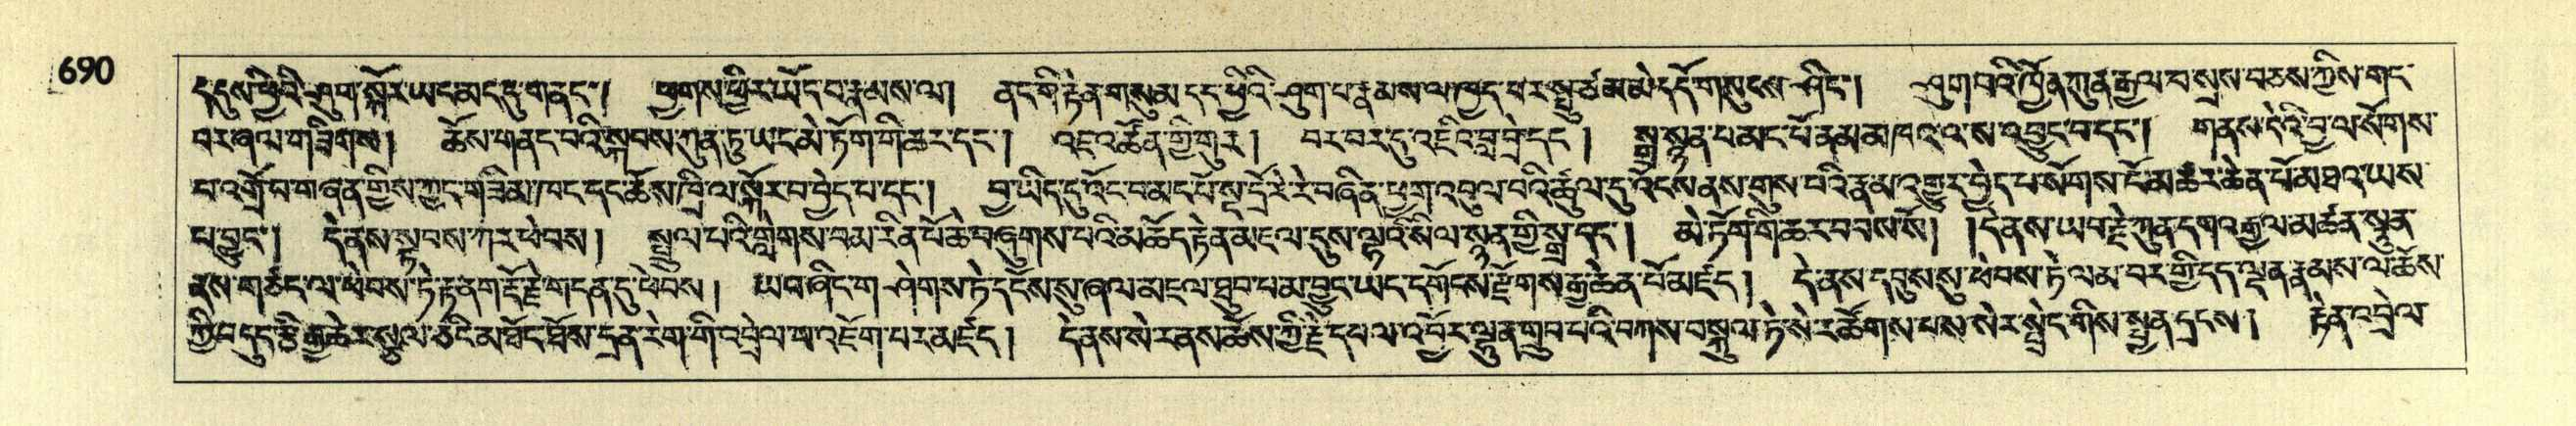ད་དུས་ཕྱིའི་ཤུག་སྐོར་ཡང་མང་དུ་གནང་། ཕྱགས་ཕྱིར་ཡོད་བ་རྣམས་ལ། ནང་གི་རྟེན་གསུམ་དང་ཕྱིའི་ཤུག་པ་རྣམས་ལ་ཁྱད་པར་སྤུ་ཙམ་མེད་དོ་གསུངས་ཤིང་། ཤུག་བའི་ཁྱོན་ཀུན་རྒྱལ་བ་སྲས་བཅས་ཀྱིས་གང་
བར་ཞལ་གཟིགས། ཆོས་གནང་བའི་སྐབས་ཀུན་ཏུ་ཡང་མེ་ཏོག་གི་ཆར་དང་། འཇའ་ཚོན་གྱི་གུར། བར་བར་དུ་འཇིའ་བླ་བྲེ་དང་། སྒྲ་སྙན་པ་མང་པོ་ནམ་མཁའ་ས་འབྱུང་བ་དང་། གནས་དེའི་བྱ་ལ་སོགས་
པ་འགྲོ་བ་གཞན་གྱིས་ཀྱང་གཟིམ་ཁང་དང་ཆོས་ཁྲི་ལ་སྐོར་བ་བྱེད་པ་དང་། བྱ་ཡིད་དུ་འོང་བ་མང་པོ་སྔ་དྲོ་རེ་རེ་བཞིན་ཕྱག་འབུལ་བའི་ཚུལ་དུ་འོངས་ནས་གུས་བའི་རྣམ་འགྱུར་བྱེད་པ་སོགས་ངོ་མཚར་ཆེན་པོ་མཐའ་ཡས་
པ་བྱུང་། དེ་ནས་སྟབས་ཀར་ཕེབས། སྤྲུལ་པའི་གླེགས་བམ་རིན་པོ་ཆེ་བཞུགས་པའི་མཆོད་རྟེན་མཇལ་དུས་ལྷའི་སིལ་སྙན་གྱི་སྒྲ་དང་། མེ་ཏོག་གི་ཆར་བབས་སོ། །དེ་ནས་ཡབ་རྗེ་ཀུན་དགའ་རྒྱལ་མཚན་སྙུན་
ནས་གཙང་ལ་ཕེབས་ཏེ་རྟ་ནག་རྡོ་རྗེ་གདན་དུ་ཕེབས། ཡབ་ཞིང་གཤེགས་ཏེ་དངོས་སུ་ཞལ་མཇལ་ཐུབ་པ་མ་བྱུང་ཡང་དགོངས་རྫོགས་རྒྱ་ཆེན་པོ་མཛད། དེ་ནས་དབུས་སུ་ཕེབས་ཏེ་ལམ་བར་གྱི་དད་ལྡན་རྣམས་ལ་ཆོས་
ཀྱི་བདུད་རྩི་རྒྱ་ཆེར་སྩལ་ཅིང་མཐོང་ཐོས་དྲན་རེག་གི་འབྲེལ་པ་འཇོག་པར་མཛད། དེ་ནས་སེར་ནས་ཆོས་ཀྱི་རྗེ་དཔལ་འབྱོར་ལྷུན་གྲུབ་པའི་བཀས་བསྐུལ་ཏེ་སེར་ཚོགས་པས་སེར་སྤྲེང་གིས་སྤྱན་དྲངས། རྟེན་འབྲེལ་